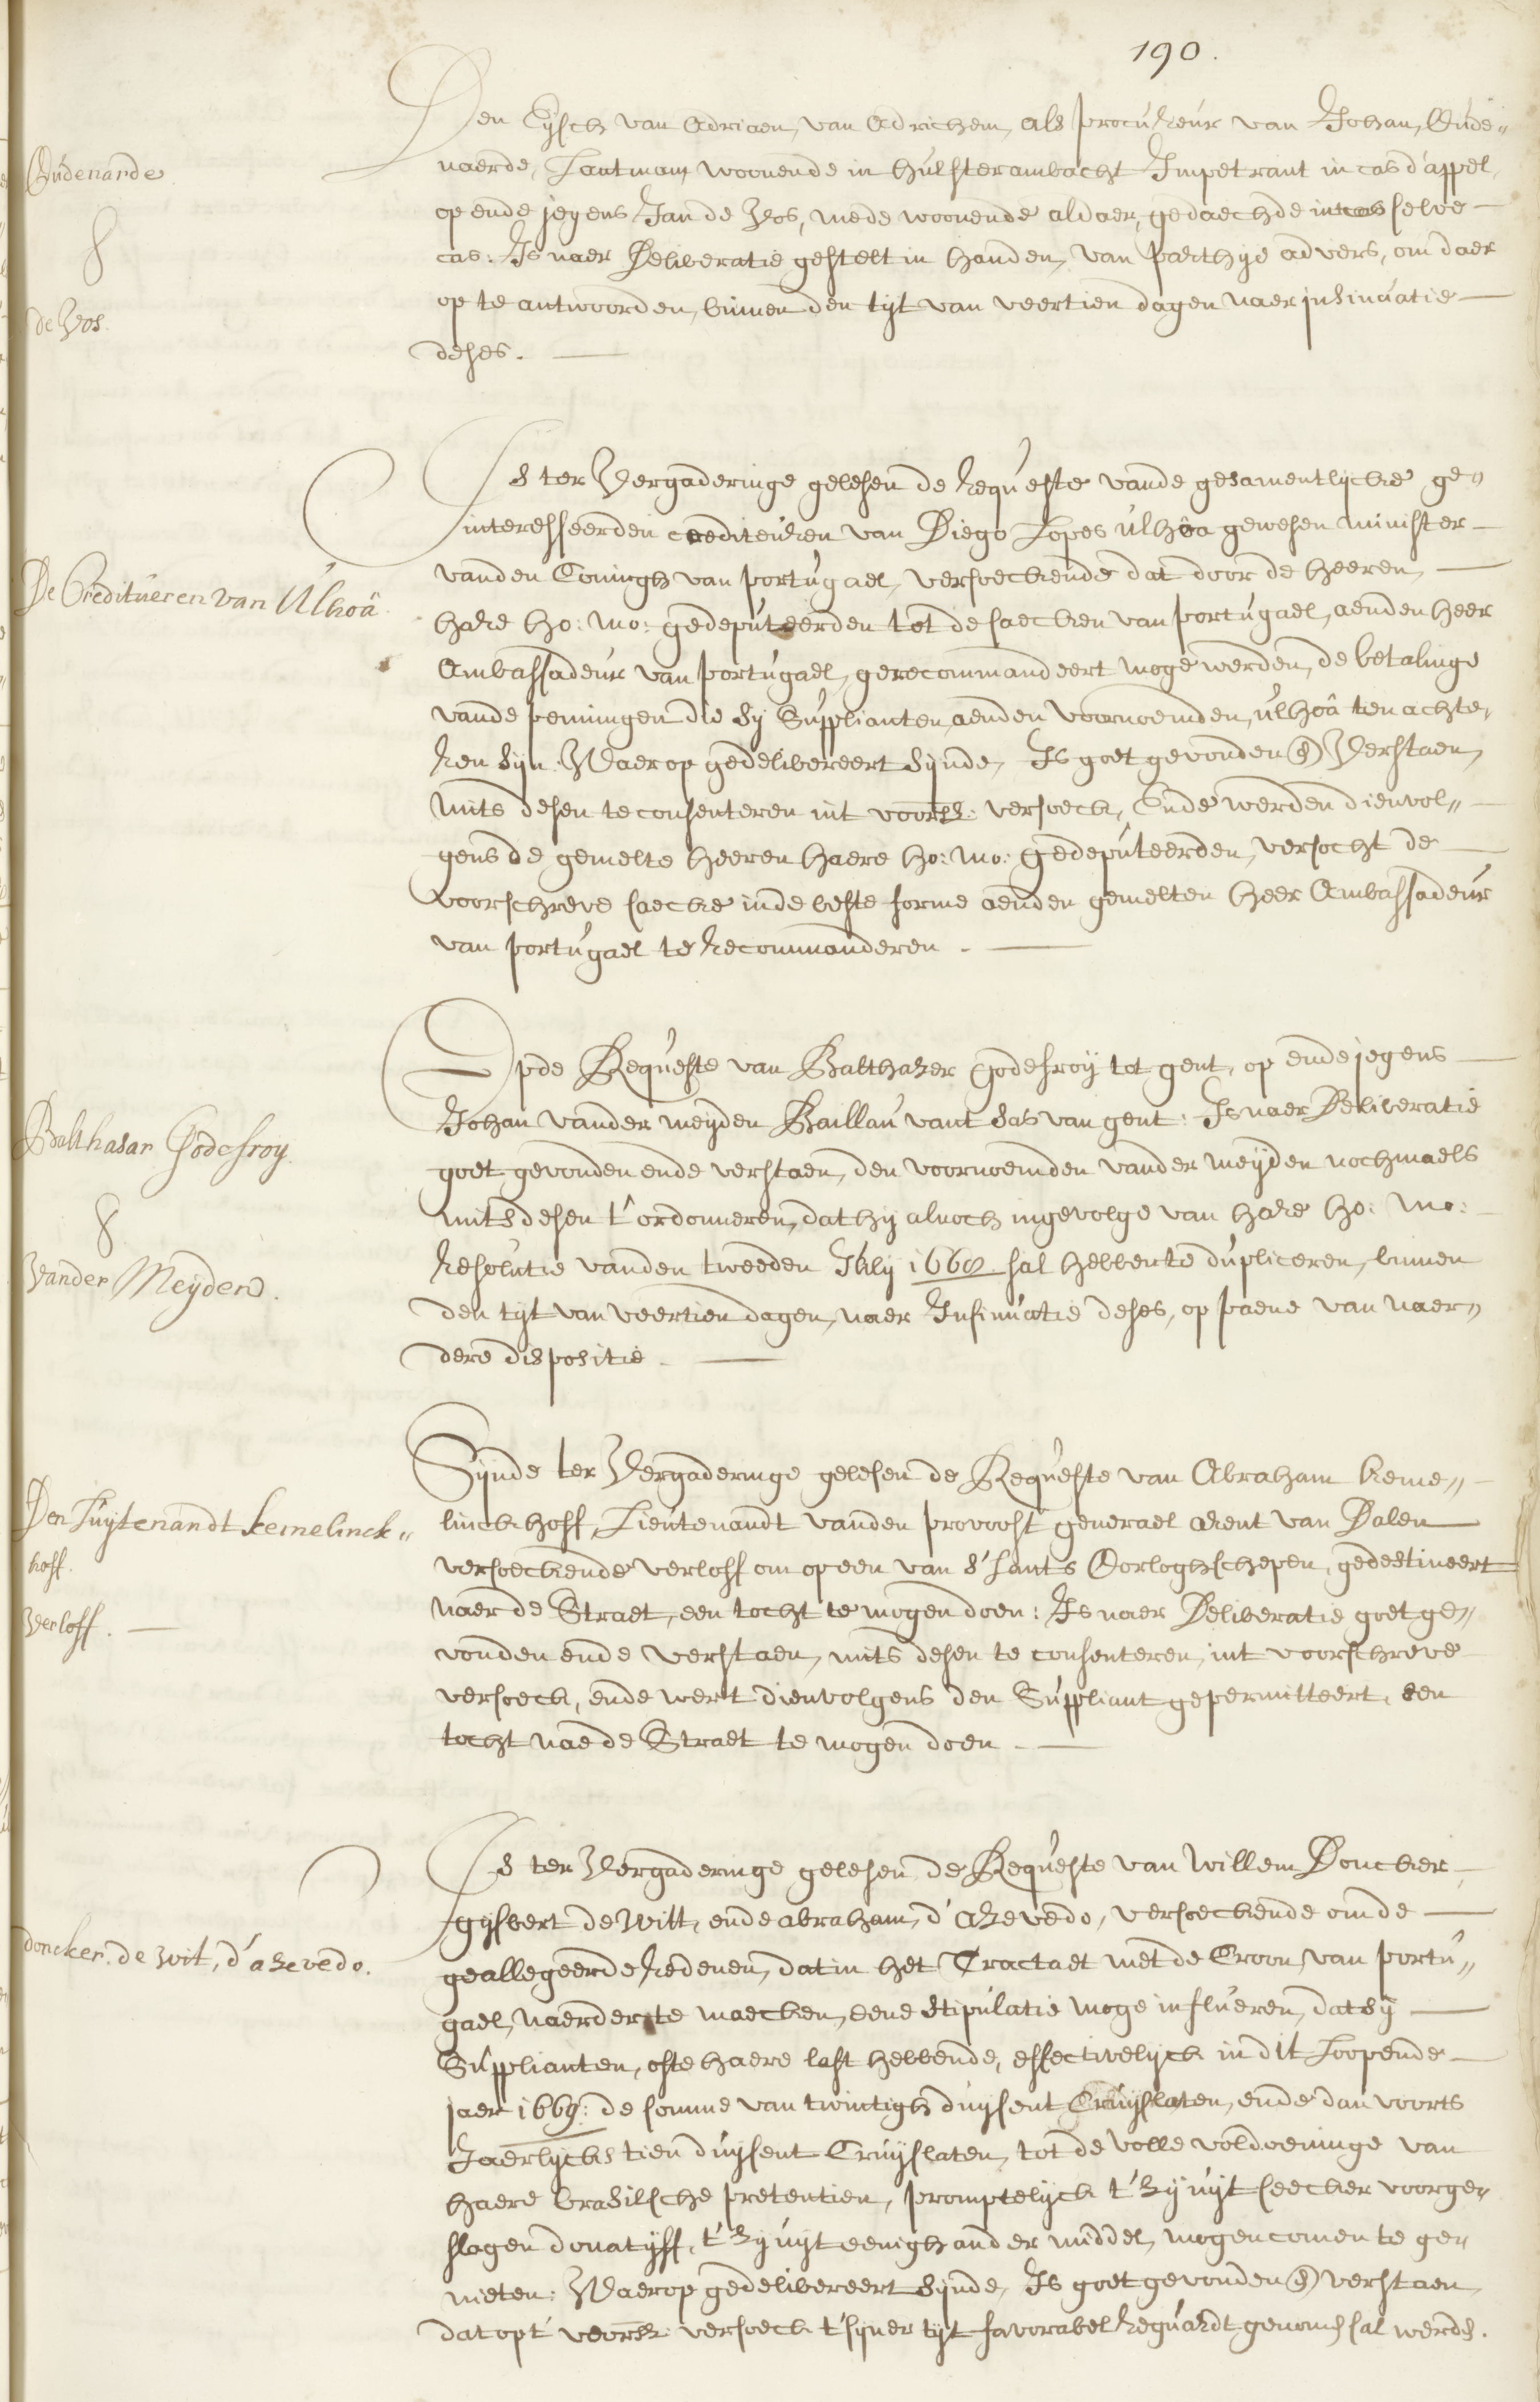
190.
Oudenarde
Ca.
de Vos
Den Eijsch van Adriaen van Adrichem als procureur van Johan Oude„
naerde, Lantman woonende in Hulsterambacht Impetrant in cas d'appel,
op ende jegens Jan de Vos, mede woonende aldaer, gedaechde int cas selve
cas: Is naer Deliberatie gestelt in handen van parthije advers, om daer
op te antwoorden, binnen den tijt van veertien dagen naer insinuatie
deses.
De Creditueren van Ulhoâ
Is ter Vergaderinge gelesen de Requeste vande gesamentlijcke ge„
interesseerden crediteuren van Diego Lopes ulhôa gewesen minister
vanden Coningh van portugael, versoeckende dat door de heeren
hare Ho:Mo: gedeputeerden tot de saecken van portugael, aenden heer
Ambassadeur van portugael, gerecommandeert moge werden de betalinge
vande penningen die sij Supplianten aenden voornoemden ulhoâ ten achte„
ren sijn: Waerop gedelibereert sijnde, Is goetgevonden & Verstaen,
mits desen te consenteren int voors. versoeck, Ende werden dienvol„
gens de gemelte heeren haere Ho:Mo: gedeputeerden versocht de
voorschreve saecke inde beste forme aenden gemelten Heer Ambassadeur
van portugael te recommanderen.
Balthasar Godefroy.
Ca.
Vander Meijden.
Opde Requeste van Balthaser Godefroij tot Gent, op ende jegens
Johan vander Meijden Baillau vant Sas van gent: Is naer Deliberatie
goetgevonden ende verstaen, den voornoemden vander Meijden nochmaels
mits desen t' ordonneren dat hij alnoch ingevolge van hare Ho:Mo:
resolutie vanden tweeden Julij 1668 sal hebben te dupliceren, binnen
den tijt van veertien dagen, naer Insinuatie deses, op paene van naer„
dere dispositie.
Den Luijtenandt kemelinck„
hoff.
Verloff.
Sijnde ter Vergaderinge gelesen de Requeste van Abraham keme„
linckhoff Lieutenandt vanden provoost generael Arent van Dalen
versoeckende verloff om op een van s'Lants Oorloghschepen, gedestineert
naer de Straet, een tocht te mogen doen: Is naer Deliberatie goetge„
vonden ende verstaen, mits desen te consenteren, int voorschreve
versoeck, ende wert dienvolgens den Suppliant gepermitteert, een
tocht nae de Straet te mogen doen.
Doncker, de Wit, d'azevedo
Is ter Vergaderinge gelesen de Requeste van Willem Doncker,
Gijsbert de Witt, ende abraham, d‛Azevedo, versoeckende om de
geallegeerde redenen, dat in het Tractaet met de Croon van portu„
gael, naerder te maecken, eene Stipulatie moge influeren, dat sij
Supplianten, ofte haere laft hebbende, effectivelijck in dit Loopende
jaer 1669: de somme van twintigh duijsent Cruijslaten, ende dan voorts
Jaerlijcks tien duijsent Cruijslaten, tot de volle voldoeninge van
haere Brasilsche pretentien, promptelijck t' zij uijt seecker voorge„
slagen donatijff, t'zij uijt eenigh ander middel mogen comen te ge„
nieten: Waerop gedelibereert sijnde, Is goetgevonden & verstaen,
dat opt' voors. versoeck t' sijnder tijt favorabel reguardt genomen sal werden.
